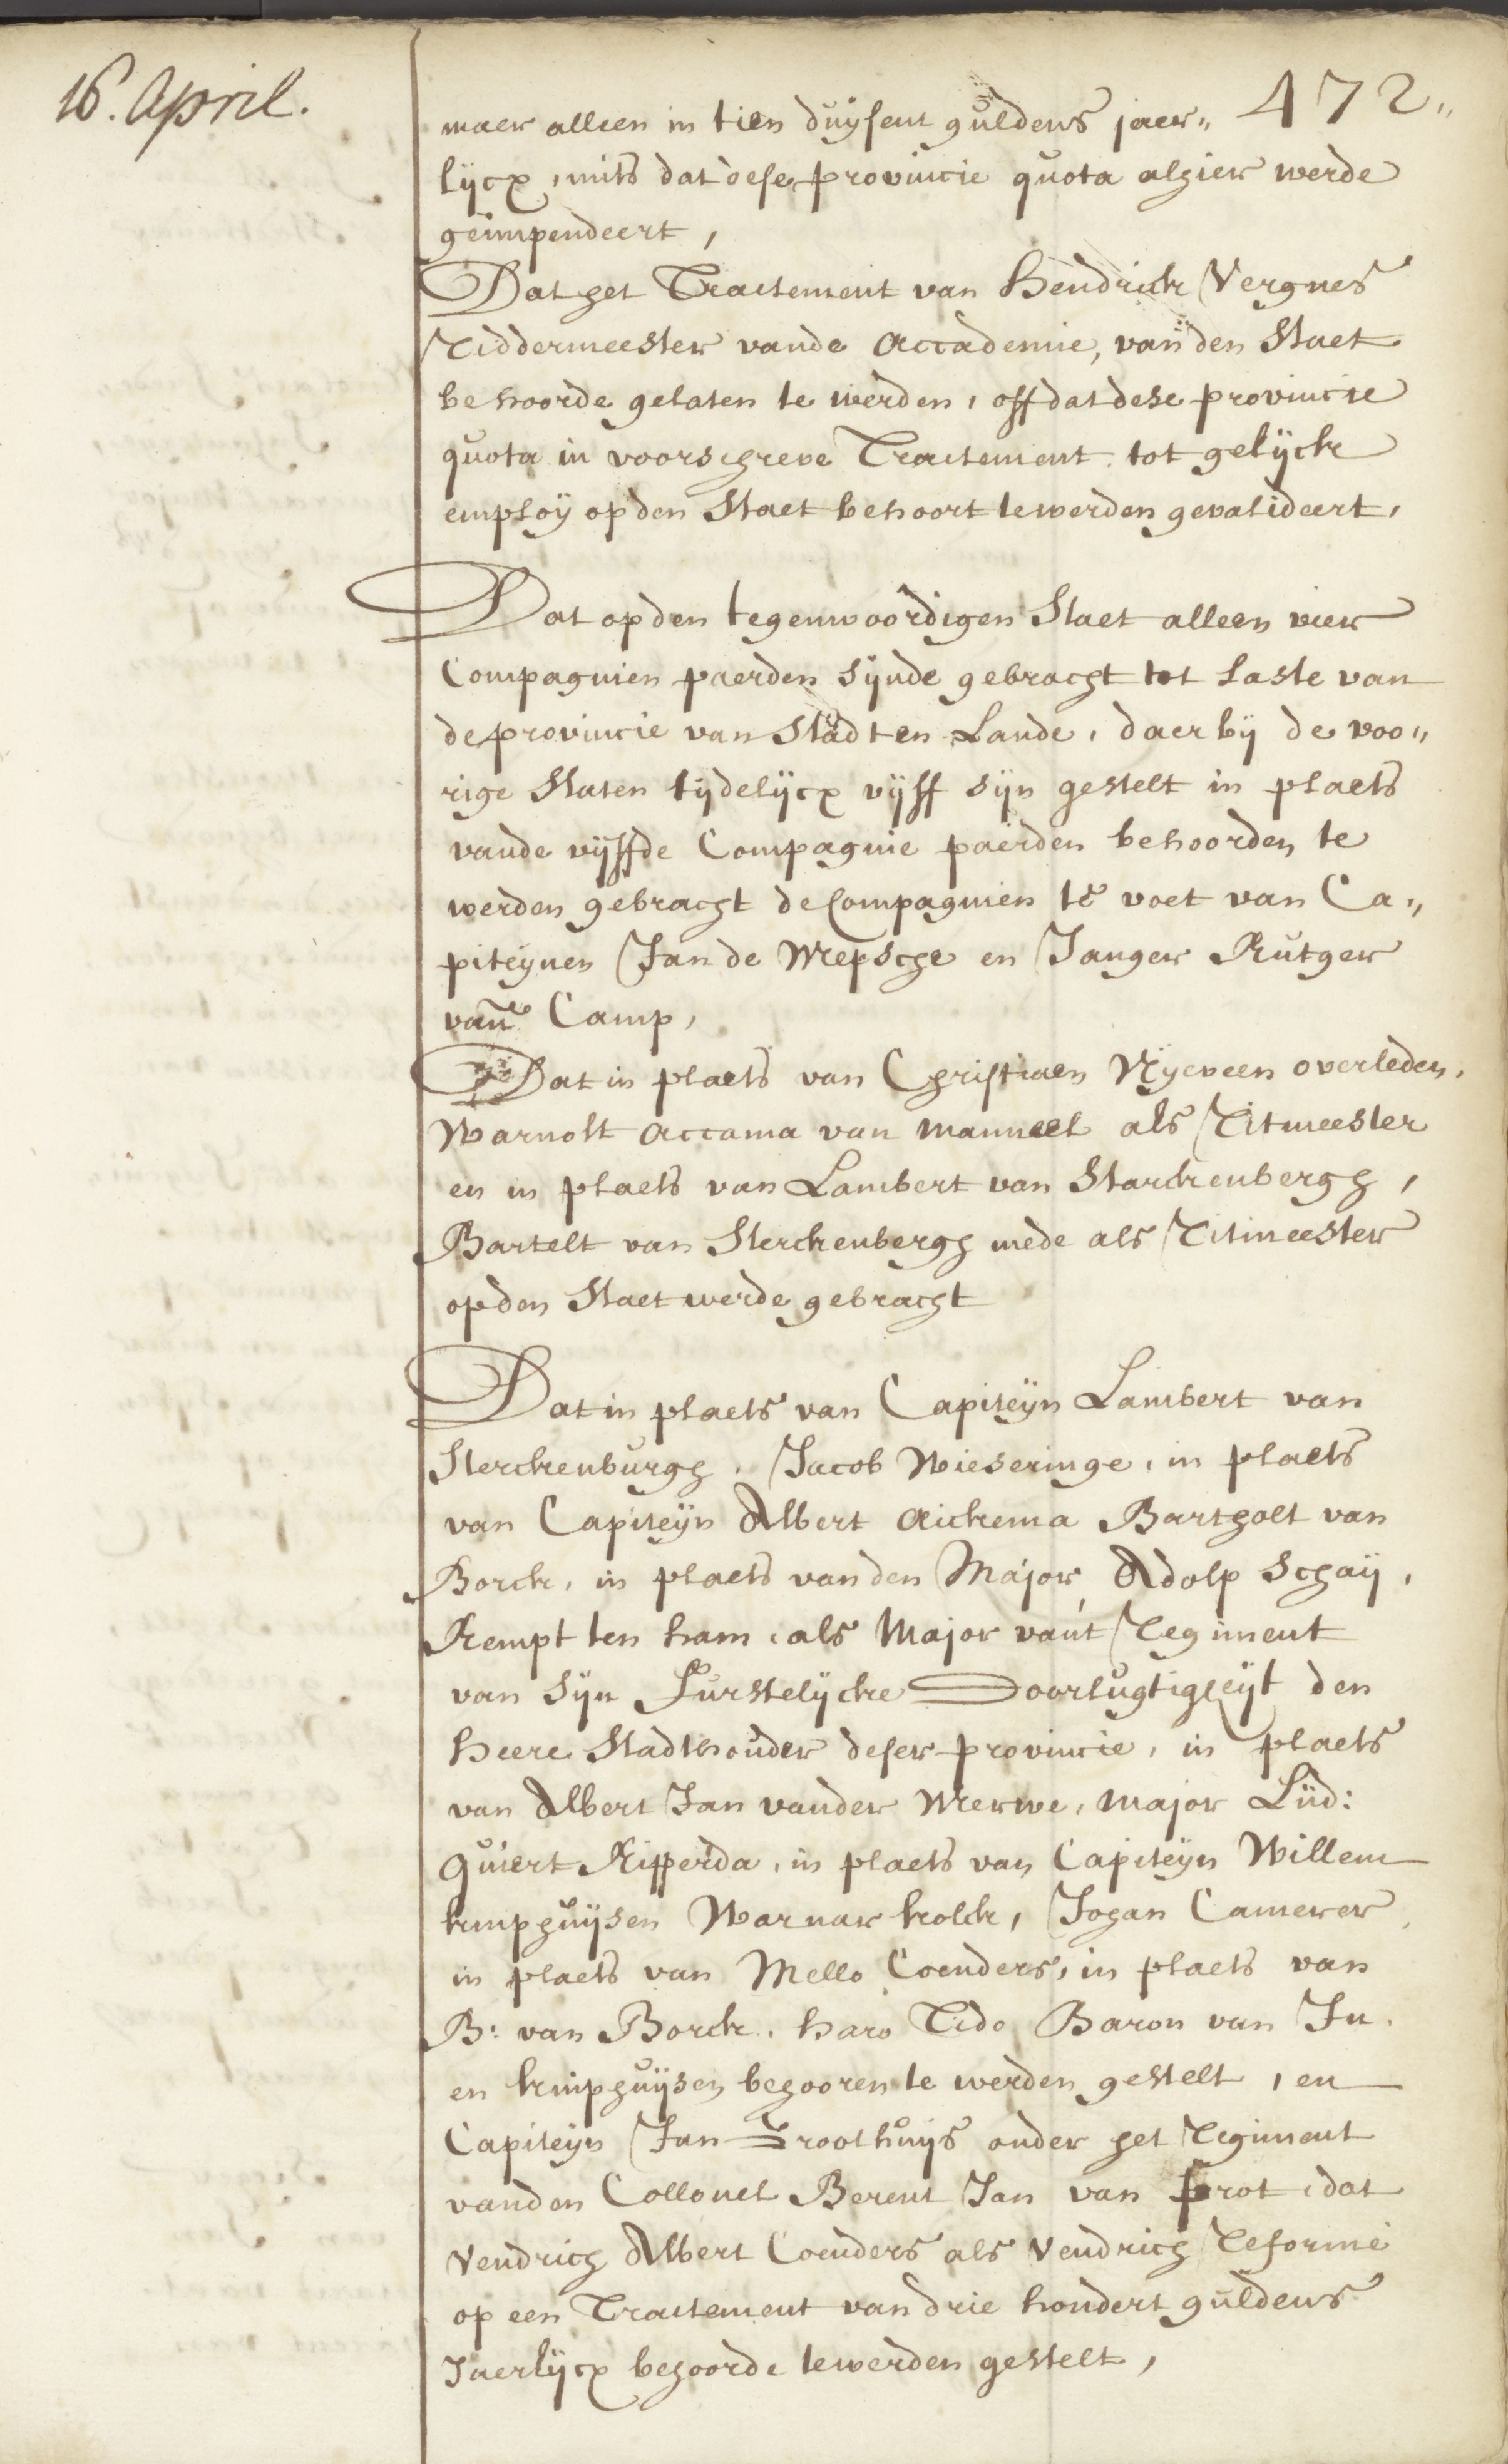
472.
16. April.
maer alleen in tien duijsent guldens jaer„
lijcx, mits dat dese provincie quota alhier werde
geimpendeert.
Dat het Tractement van Hendrick Vergues
riddermeester vande Accademie, van den Staet
behoorde gelaten te werden, off dat dese provincie
quota in voorschreve Tractement, tot gelijck
emploij op den Staet behoort te werden gevalideert.
Dat opden tegenwoordigen Staet alleen vier
Compagnien paerden sijnde gebracht tot laste van
de provincie van Stadt en Lande, daerbij de voo„
rige Staten tijdelijcx vijff sijn gestelt in plaets
vande vijffde Compagnie paerden behoorden te
werden gebracht de Compagnien te voet van Ca„
piteijnen Jan de Mepsche en Janger Rutger
van Camp.
Dat in plaets van Christiaen Nijeveen overleden,
Warnolt Accama van Manneel als Ritmeester
en in plaets van Lambert van Starkenbergh,
Bartelt van Sterckenbergh mede als Ritmeester
op den Staet werde gebracht
Dat in plaets van Capiteijn Lambert van
Sterckenburgh, Jacob Wieseringe, in plaets
van Capiteijn Albert Aickema Bartholt van
Borck, in plaets van den Major Adolp Schaij,
kempt ten ham, als Major vant Regiment
van sijn Furstelijcke Doorlugtigheijt den
heere Stadthouder deser provincie, in plaets
van Albert Jan vander Merwe, Major Lüd:
guiert Ripperda, in plaets van Capiteijn Willem
kniphuijsen Warnar kolck, Johan Camerer
in plaets van Mello Coenders, in plaets van
B: van Borck, Haro Tido Baron van In
en Kniphuijsen behooren te werden gestelt, en
Capiteijn, Jan Groothuijs onder het Regiment
vanden Collonel Berent Jan van Prot, dat
Vendrich Albert Coenders als Vendrich reforme
op een Tractement van drie hondert guldens
Jaerlijcx behoorde te werden gestelt,
